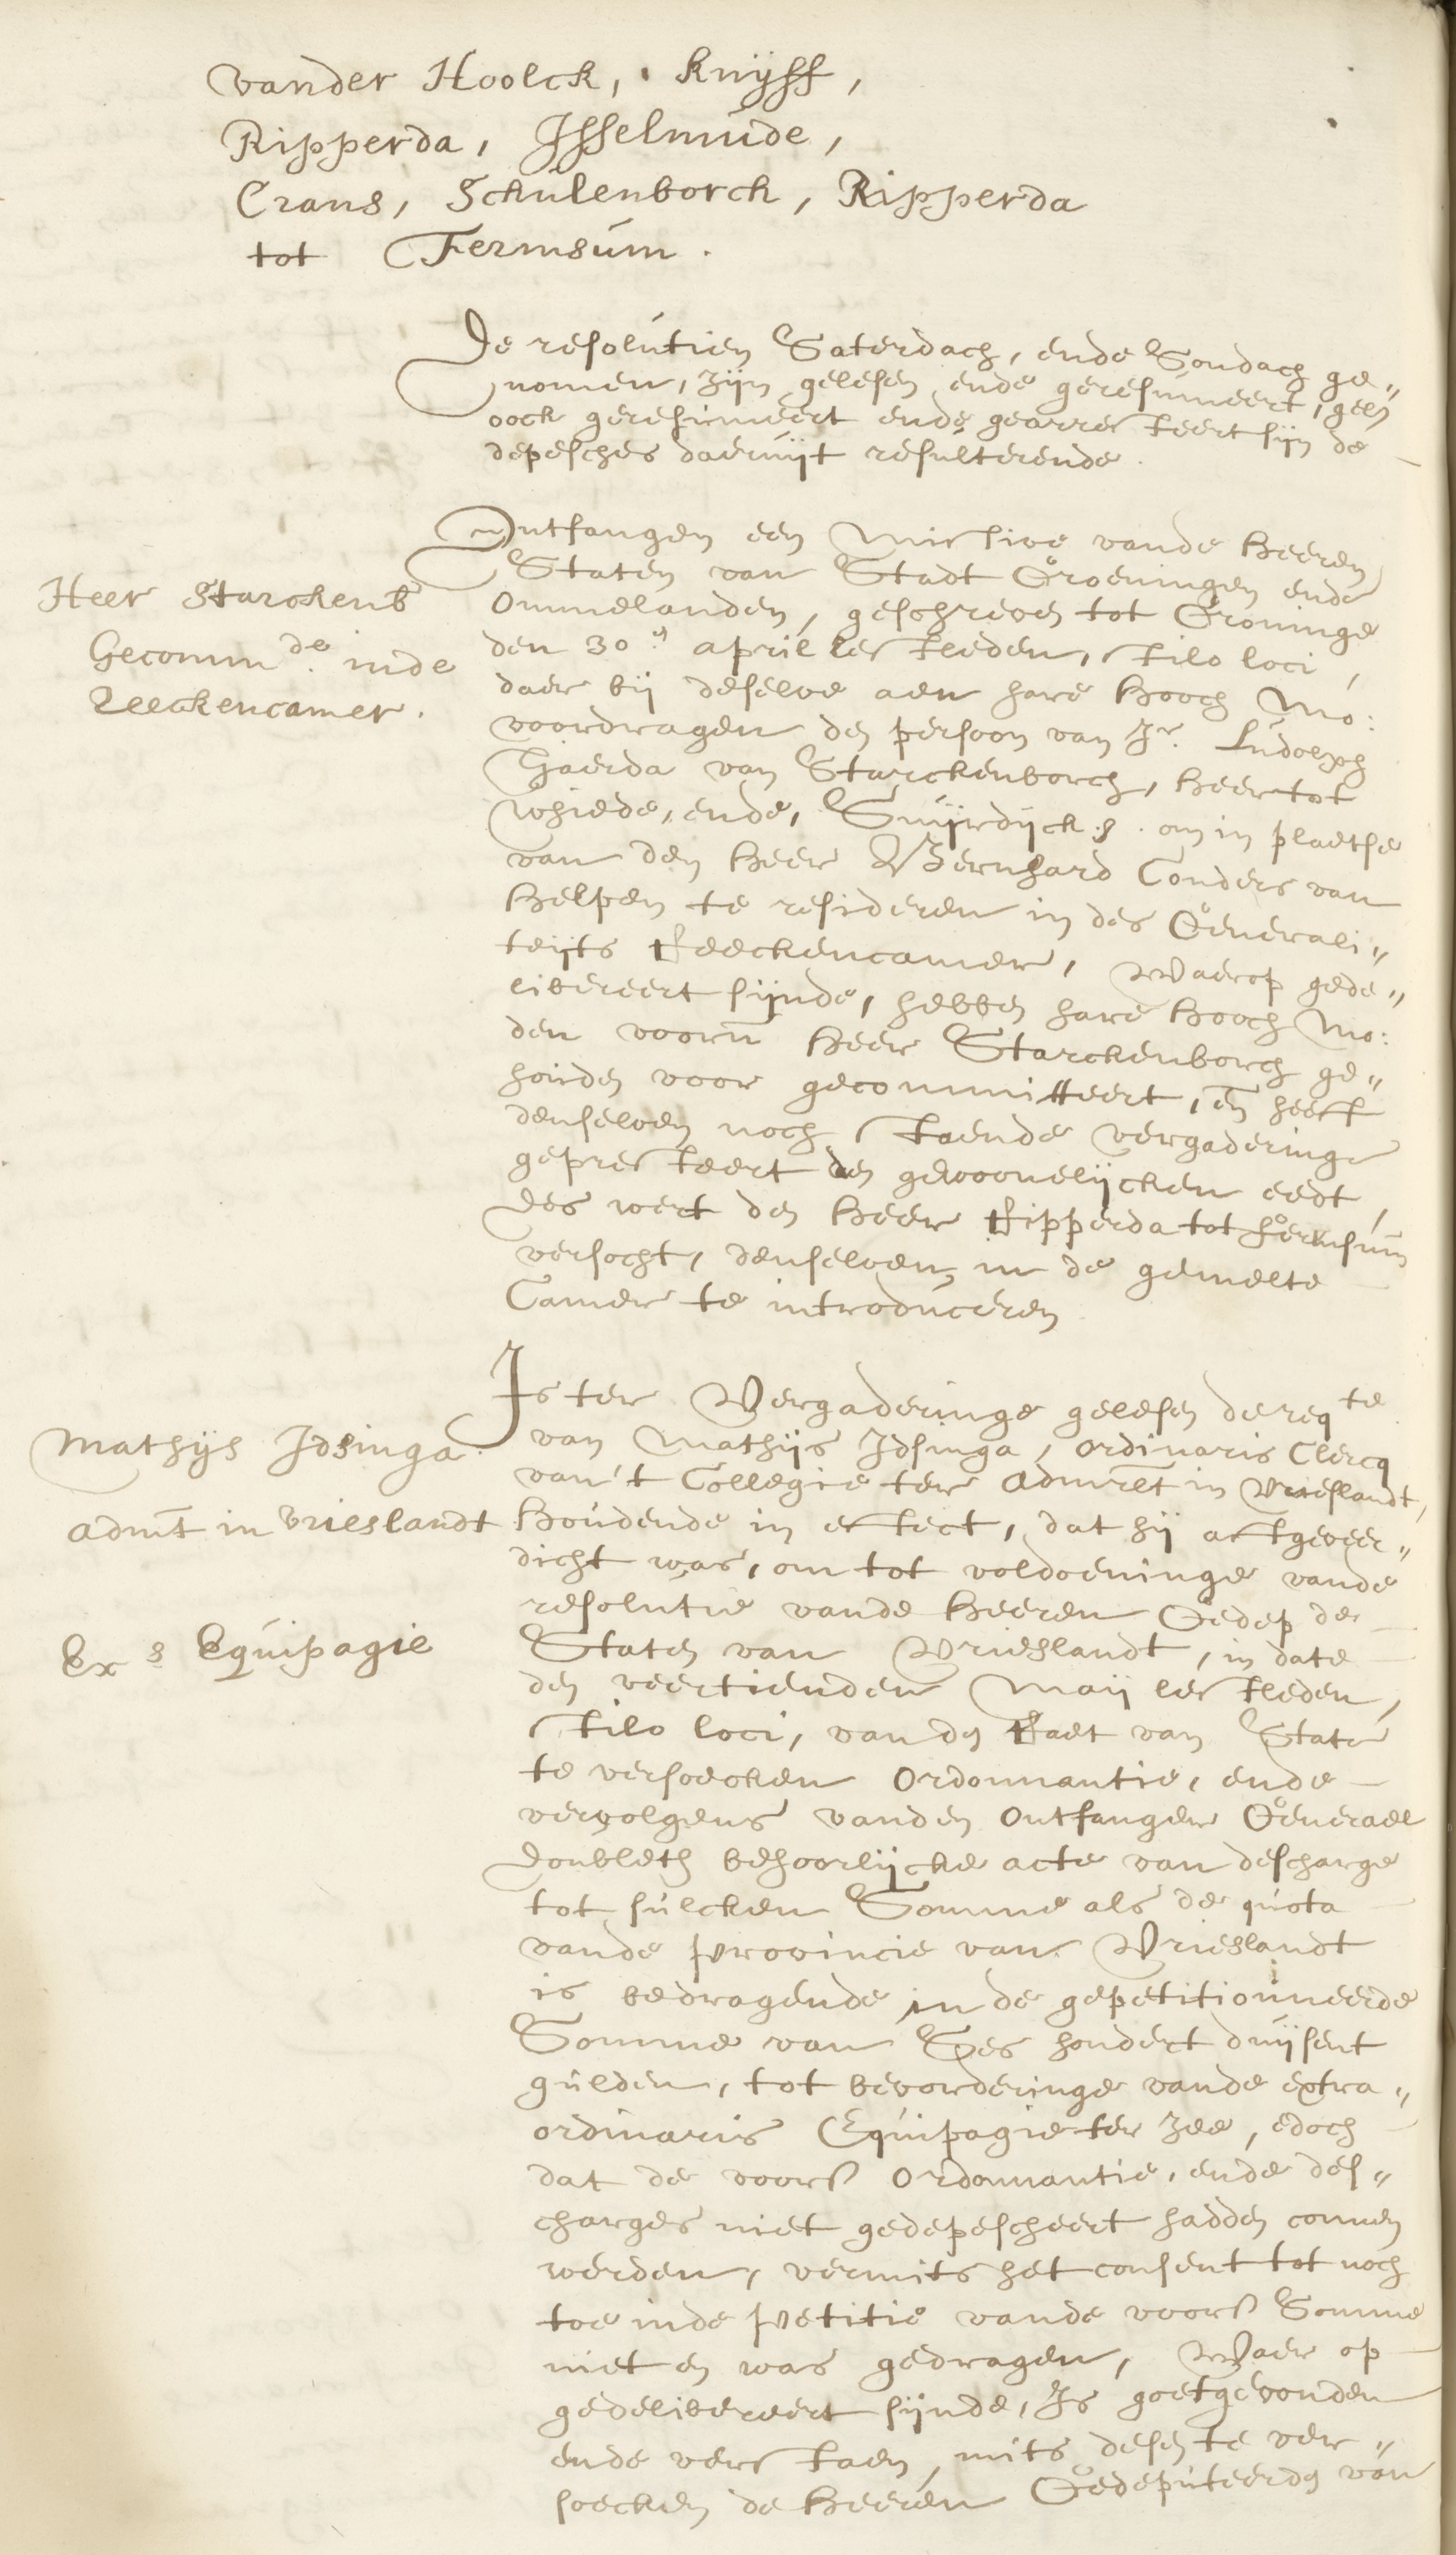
vander Hoolck, Knijff,
Ripperda, Isselmude,
Crans, Schulenborch, Ripperda
tot Fermsum.
De resolutien Saterdach, ende Sondach ge„
nomen, zijn gelesen ende geresumeert, gel
oock geresumeert ende gearresteert sijn de
depesches daeruijt resulterende.
Heer Starckenb
Gecommde inde
Reeckencamer.
Ontfangen een Missive vande Heeren
Staten van Stadt Groeningen ende
Ommelanden, geschreven tot Groninge
den 30en. april lestleden, stilo loci,
daer bij deselve aen hare Hooch Mo:
voordragen den persoon van Jr. Ludolph
Tjaerda van Starckenborch, Heer tot
Whiede, ende, Suijrdijck & om in plaetse
van den Heer Bernhard Conders van
Helpen te resideren in des Generali„
teijts Reeckencamer. Waerop gede„
libereert sijnde, hebben hare hooch Mo:
den voorn Heer Starckenborch ge„
houden voor gecommitteert, en heeft
denselven noch staende vergaderinge
gepresteert den gewoonelijcken eedt.
Des wert den Heer Ripperda tot fermsum
versocht, denselven in de gemelte
Camer te introduceren
mathijs Idsinga
admt in Vrieslandt
Exs Equipagie
Is ter Vergaderinge gelesen de reqte.
van Mathijs Idsinga, ordinaris Clercq
van 't Collegie ter Admret in Vrieslandt,
houdende in effect, dat hij affgeveer„
dicht was, om tot voldoeninge vande
resolutie vande Heeren Gedepden.
Staten van Vrieslandt, in date -
den veertienden Maij lestleden,
stilo loci, van den Raet van State
te versoecken Ordonnantie, ende
vervolgens vanden Ontfanger Generael
Doubleth behoorlijcke acte van descharge
tot sulcken Somme als de quota
vande Provincie van Vrieslandt
is bedragende in de gepetitionneerde
Somme van Ses hondert duijsent
gulden, tot bevorderinge vande extra„
ordinaris Equipagie ter zee, edoch
dat de voors Ordonnantie, ende des„
charges niet gedepescheert hadden connen
werden, vermits het consent tot noch
toe inde Petitie vande voors Somme
niet en was gedragen. Waer op
gedelibereert sijnde, Is goetgevonden
ende verstaen, mits desen te ver„
soecken de Heeren Gedeputeerden van
